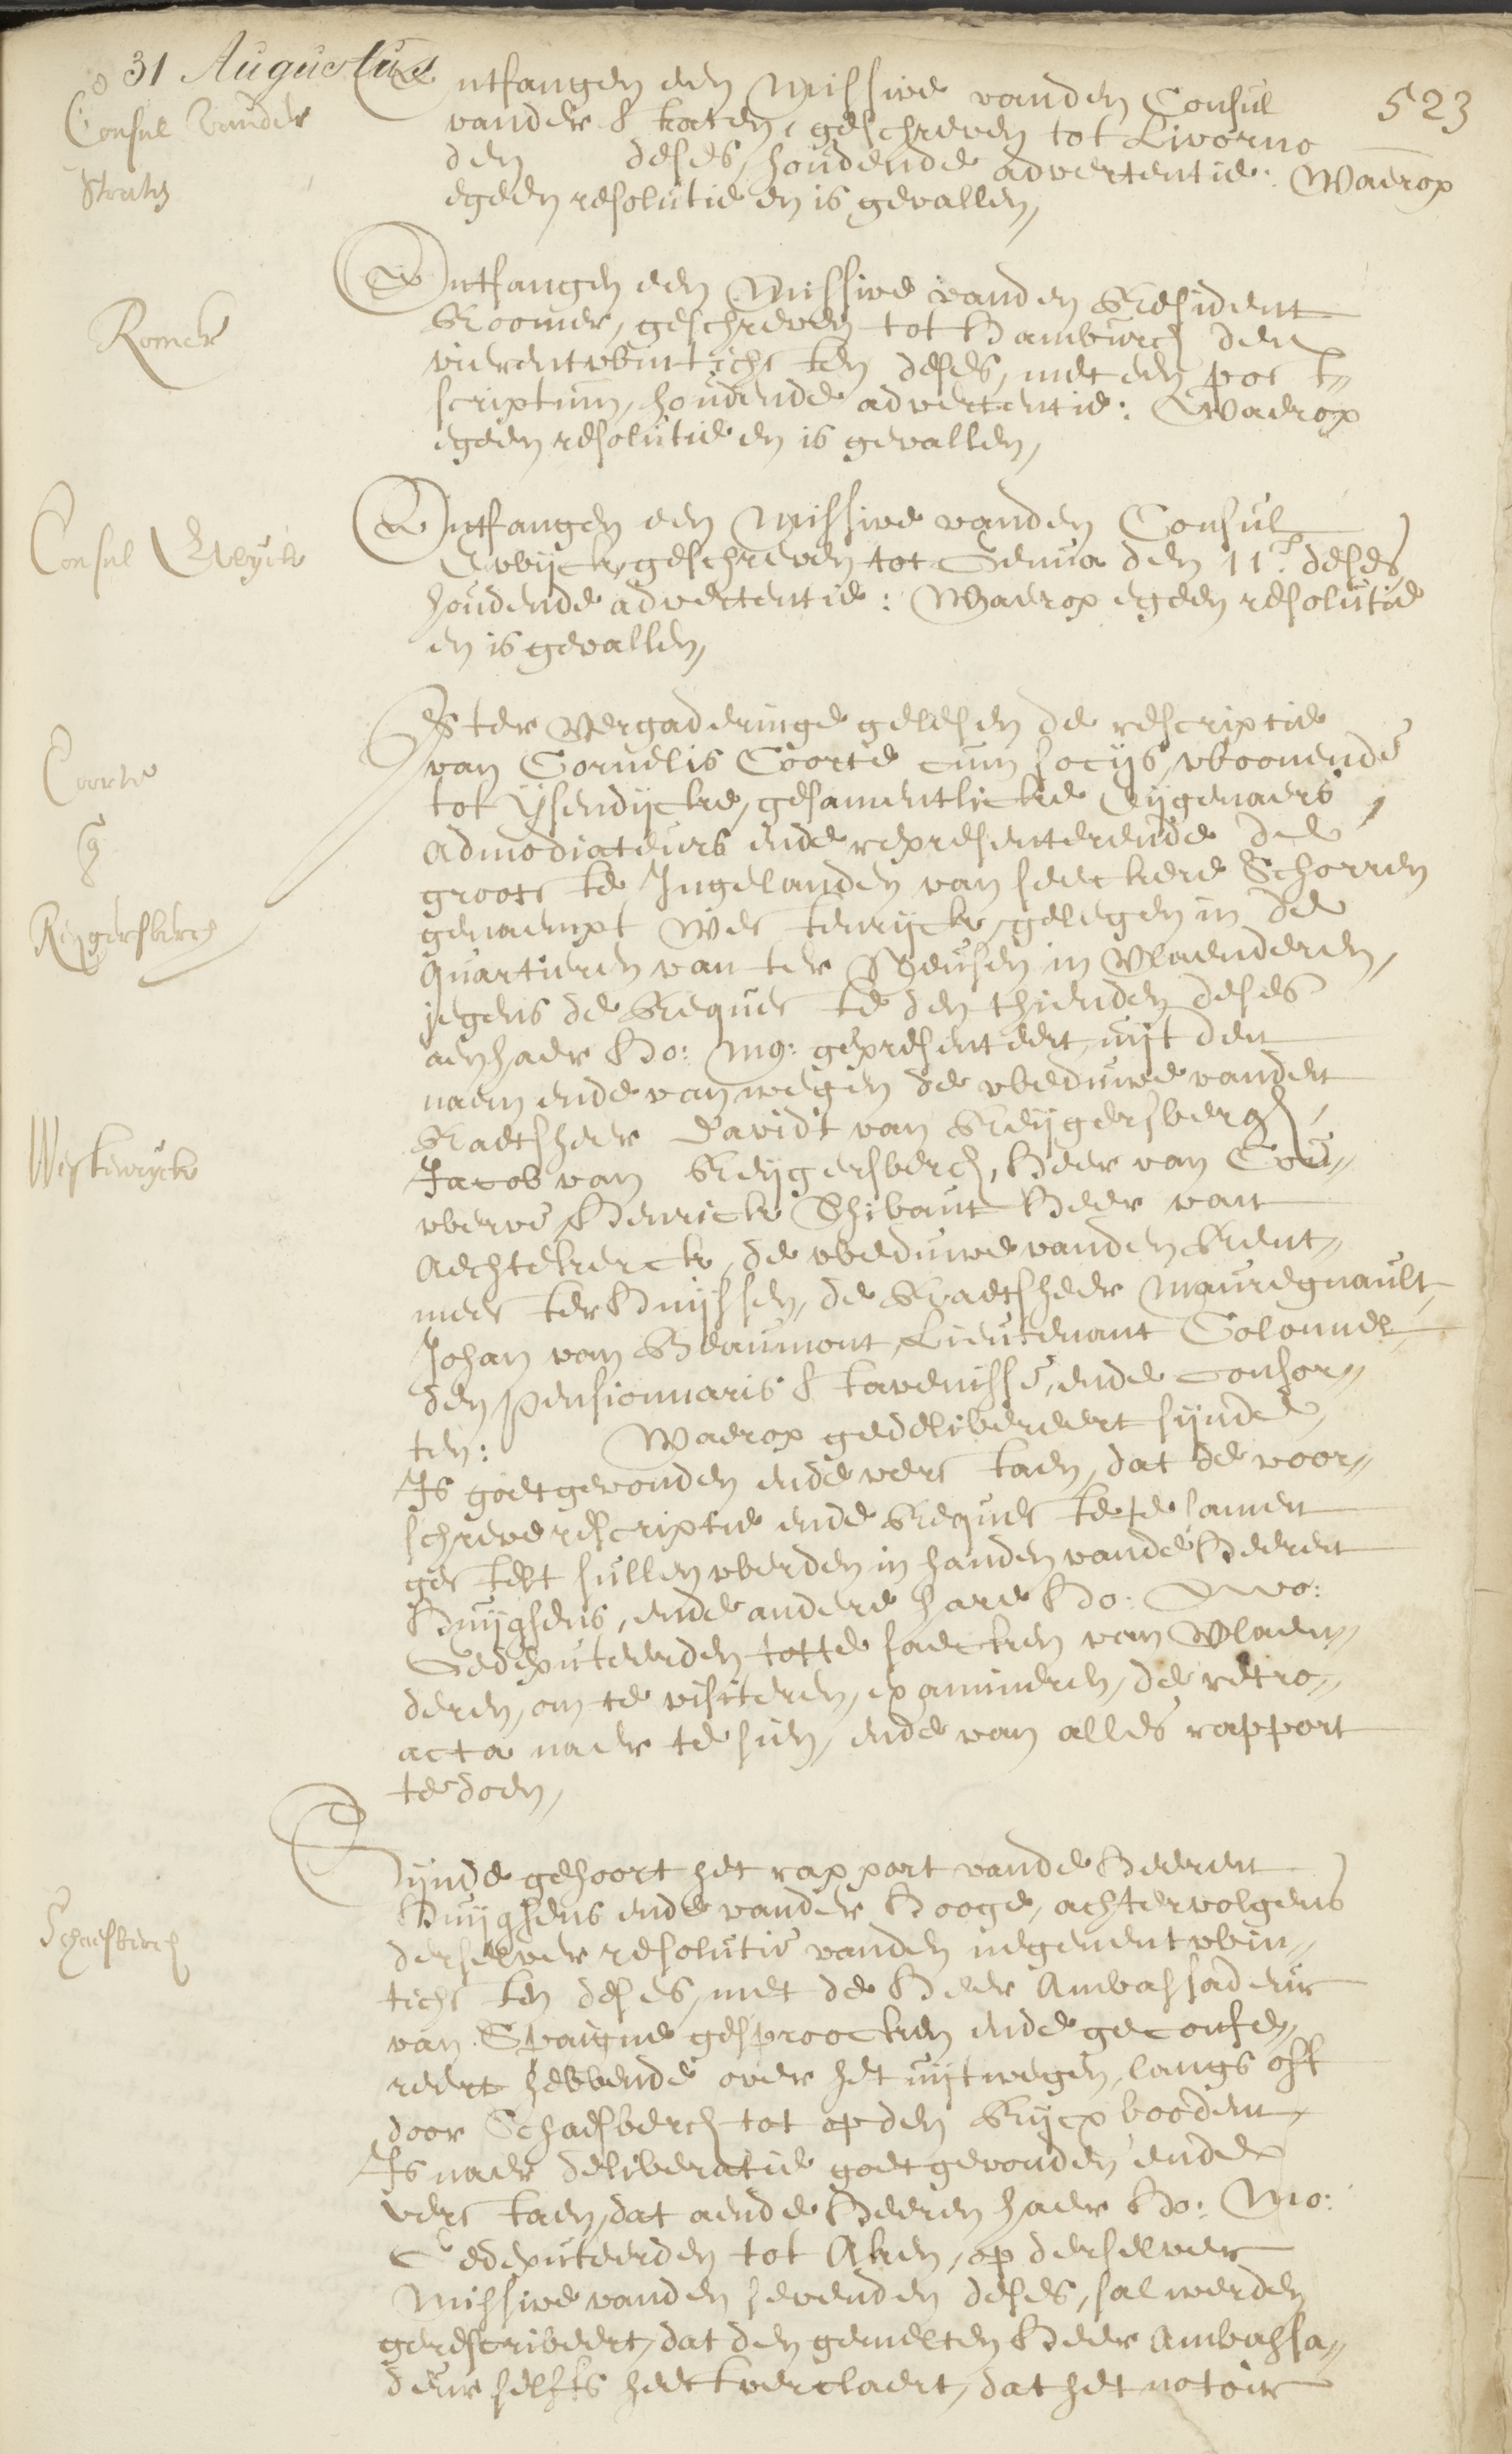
523
31Augustus
Consul vander
Straten
Ontfangen een missive vanden Consul
vander Staten, geschreven tot Livorno
den deses, houdende advertentie: Waerop
egeen resolutie en is gevallen.
Romer
Ontfangen een Missive vanden Resident
Roomer, geschreven tot Hamburch den
vierentwintichsten deses, met een post„
scriptum, houdende advertentie: Waerop
egeen resolutie en is gevallen.
Consul Ewijck
Ontfangen een Missive vanden Consul
Ewijck, geschreven tot Genua den 11en. deses
houdende advertentie: Waerop egeen resolutie
en is gevallen.
Coorte
Ca.
Reygersberch
Westenrijck
Is ter Vergaderinge gelesen de rescriptie
van Cornelis Coorte cum socijs, woonende
tot IJsendijcke, gesamentlicke Eijgenaers,
admodiateurs ende representerende de
grootste Ingelanden van seeckere Schorren
genaempt Westenrijck, gelegen in de
Quartieren van ter Neusen in Vlaenderen,
jegens de Requeste den thienden deses
aen haer Ho:Mo: gepresenteert, uijt den
naem ende van wegen de weduwe vanden
Raetsheer Davidt van Reijgersbergh,
Jacob van Reijgersberch, Heer van Cou„
werve, Henrick Thibaut Heer van
Aechtekerck, de weduwe vanden Rent„
meester Huijssen, de Raetsheer Mauregnault,
Johan van Beaumont, Lieutenant Colonnel,
den Pensionnaris Stavenisse, ende consor„
ten: Waerop gedelibereert sijnde,
Is goetgevonden ende verstaen, dat de voor„
schreve rescriptie ende Requeste te samen
gestelt sullen werden in handen vande Heeren
Huijghens, ende andere hare Ho:Mo:
Gedeputeerden totte saecken van Vlaen„
deren, om te visiteren, examineren, de retro„
acta naer te sien, ende van alles rapport
te doen.
Schaesberch
Sijnde gehoort het rapport vande Heeren
Huijghens ende vander Hooge, achtervolgens
derselver resolutie vanden negenentwin„
tichsten deses, met de Heer Ambassadeur
van Spaigne gesproocken ende geconfe„
reert hebbende over het uijtwegen, langs off
door Schaesberch tot opden Rijcx boodem.
Is naer deliberatie goetgevonden ende
verstaen, dat aende Heeren haer Ho:Mo:
Gedeputeerden tot Aken, op derselver
missive vanden sevenden deses, sal werden
gerescribeert, dat den gemelten Heer Ambassa„
deur selffs heeft verclaert, dat het notoir
